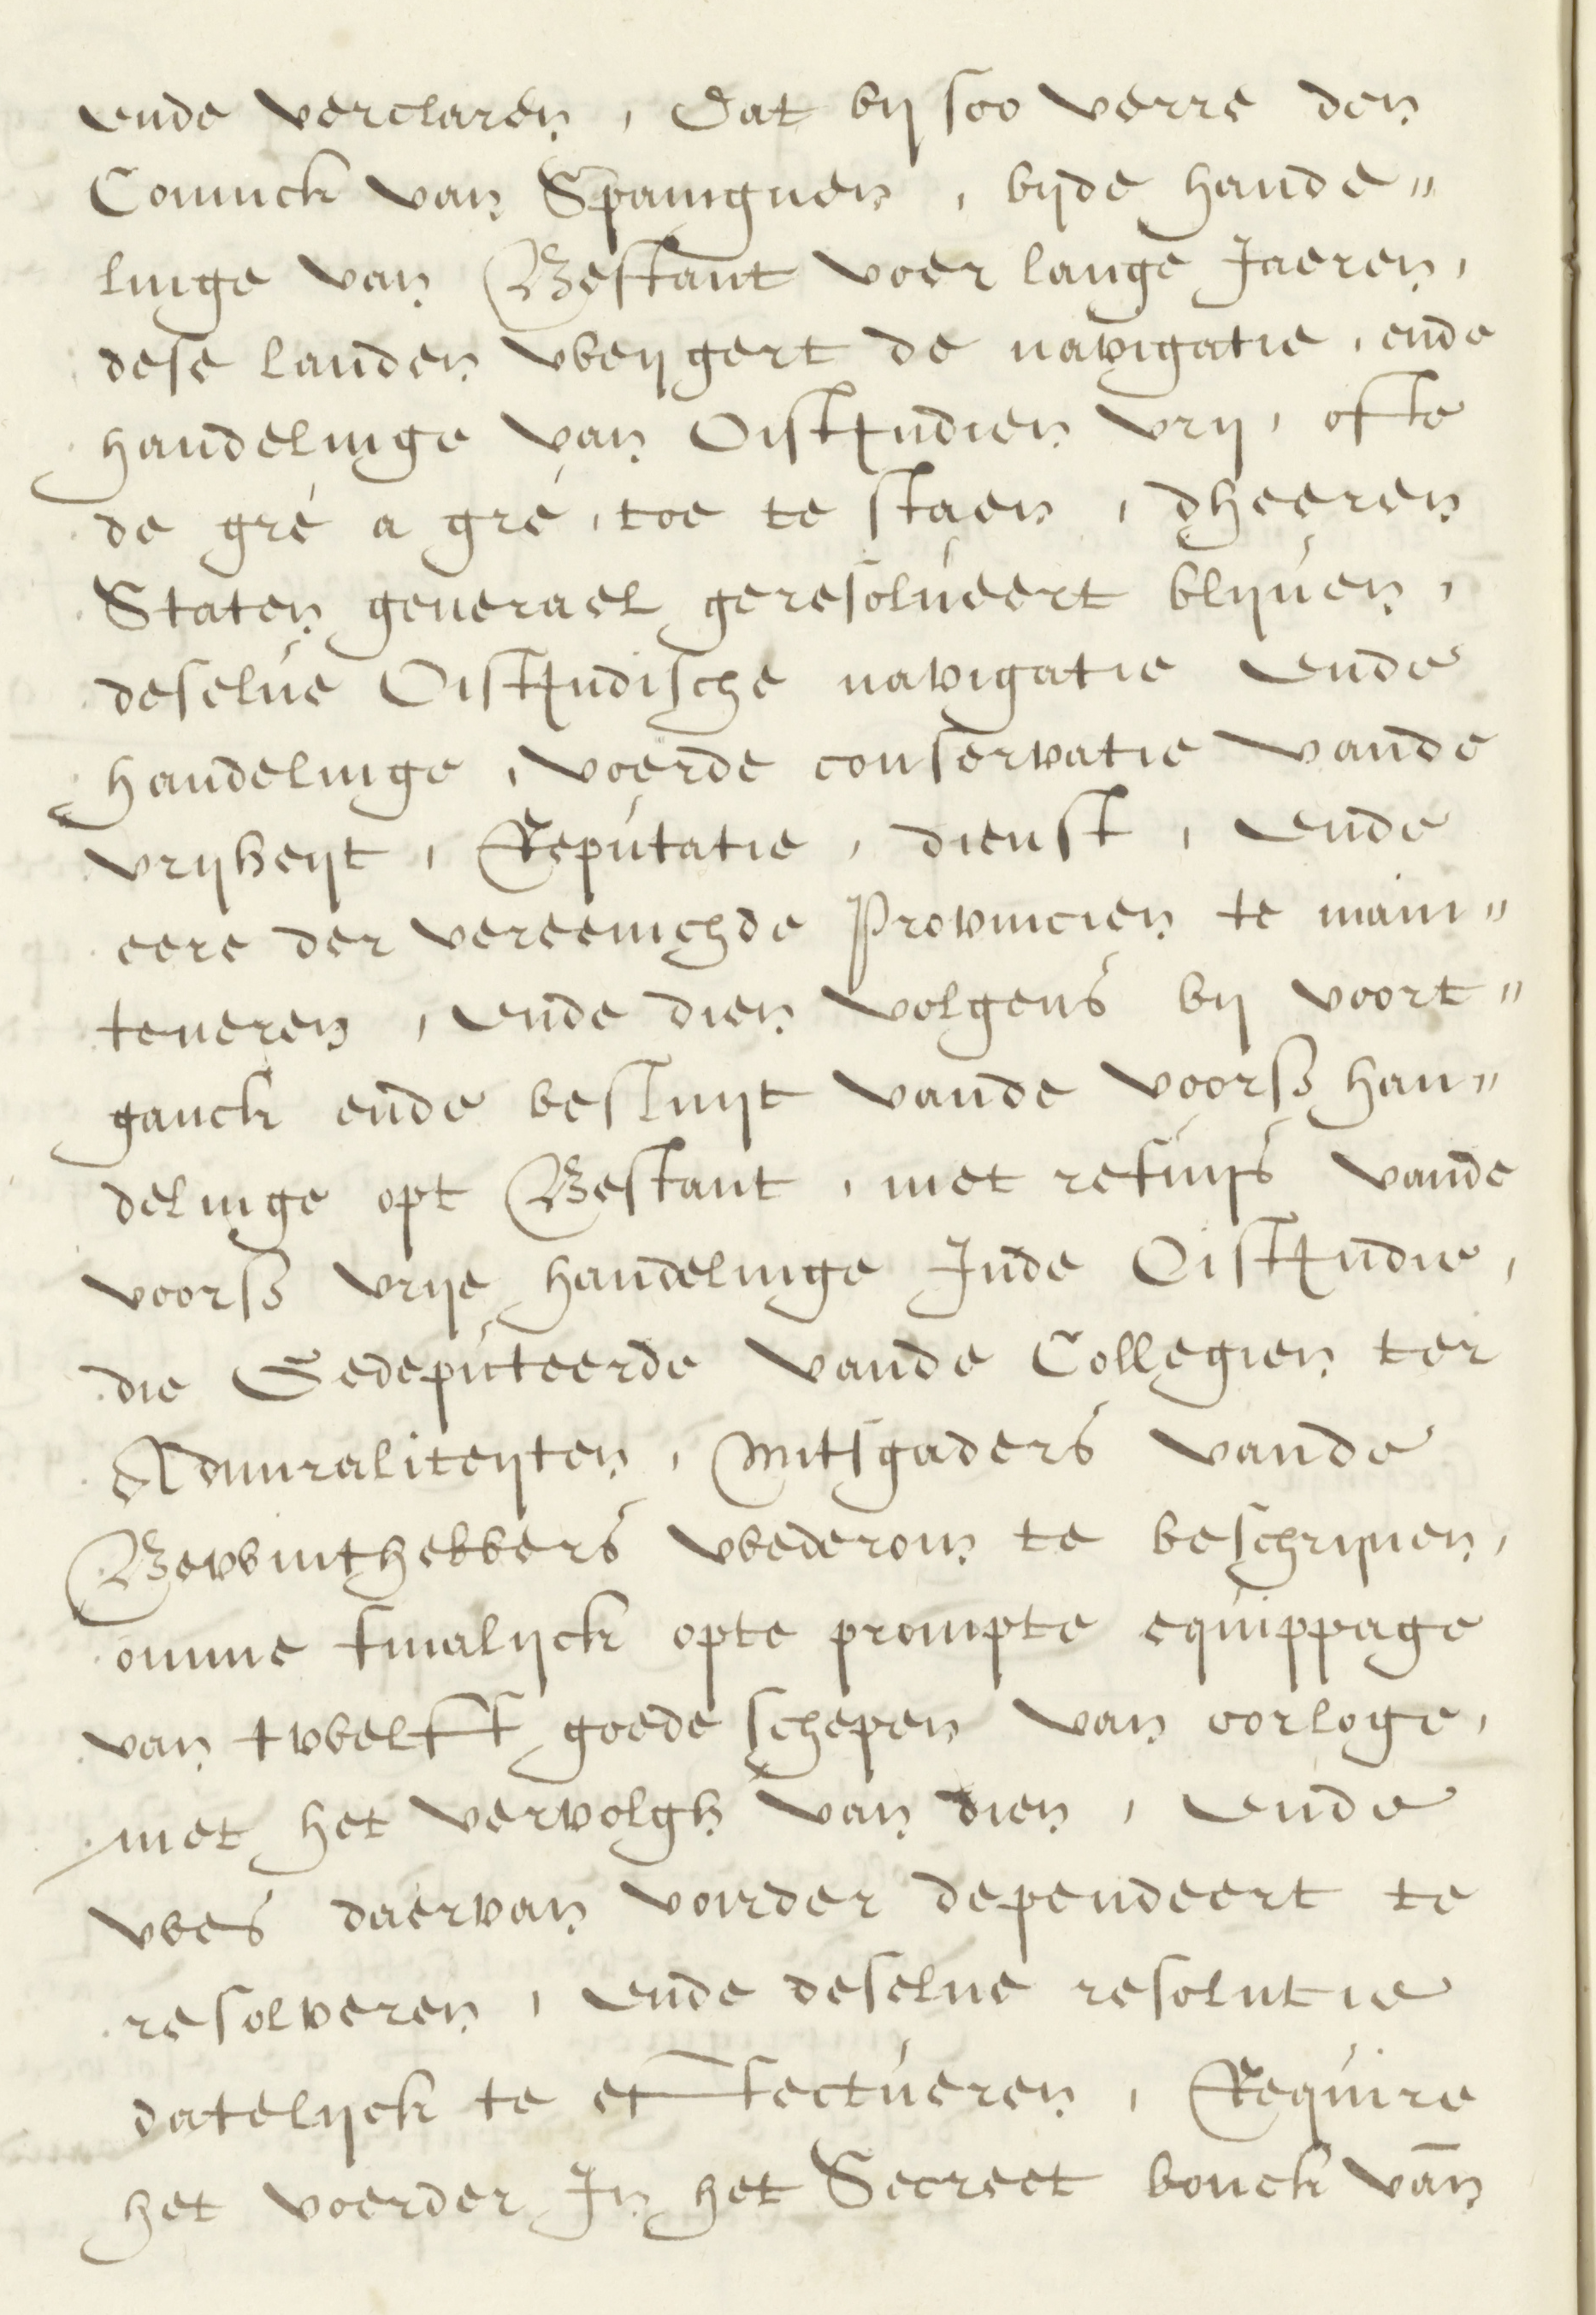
ende verclaren, dat by soo verre den
Coninck van Spaingnen, byde hande,,
linge van Bestant voer lange Jaeren,
dese landen weygert de navigatie, ende
handelinge van OistIndien vry, ofte
de gré a gré, toe te staen, dheeren
Staten generael geresolueert blyuen,
deselue OistIndische navigatie ende
handelinge, voerde conservatie vande
vryheyt, Reputatie, dienst, ende
eere der vereenichde Provincien te main,,
teneren, ende dien volgens by voort,,
ganck ende besluyt vande voors han,,
delinge opt Bestant, met refuys vande
voors vrye handelinge Inde OistIndie,
die Gedeputeerde vande Collegien ter
Admiraliteyten, mitsgaders vande
Bewinthebbers wederom te beschryuen,
omme finalyck opte prompte equippage
van twelff goede schepen van oorloge,
met het vervolgh van dien, ende
wes daervan voirder dependeert te
resolveren, ende deselue resolutie
datelyck te effectueren. Require
het voerder In het Secreet bouck van
